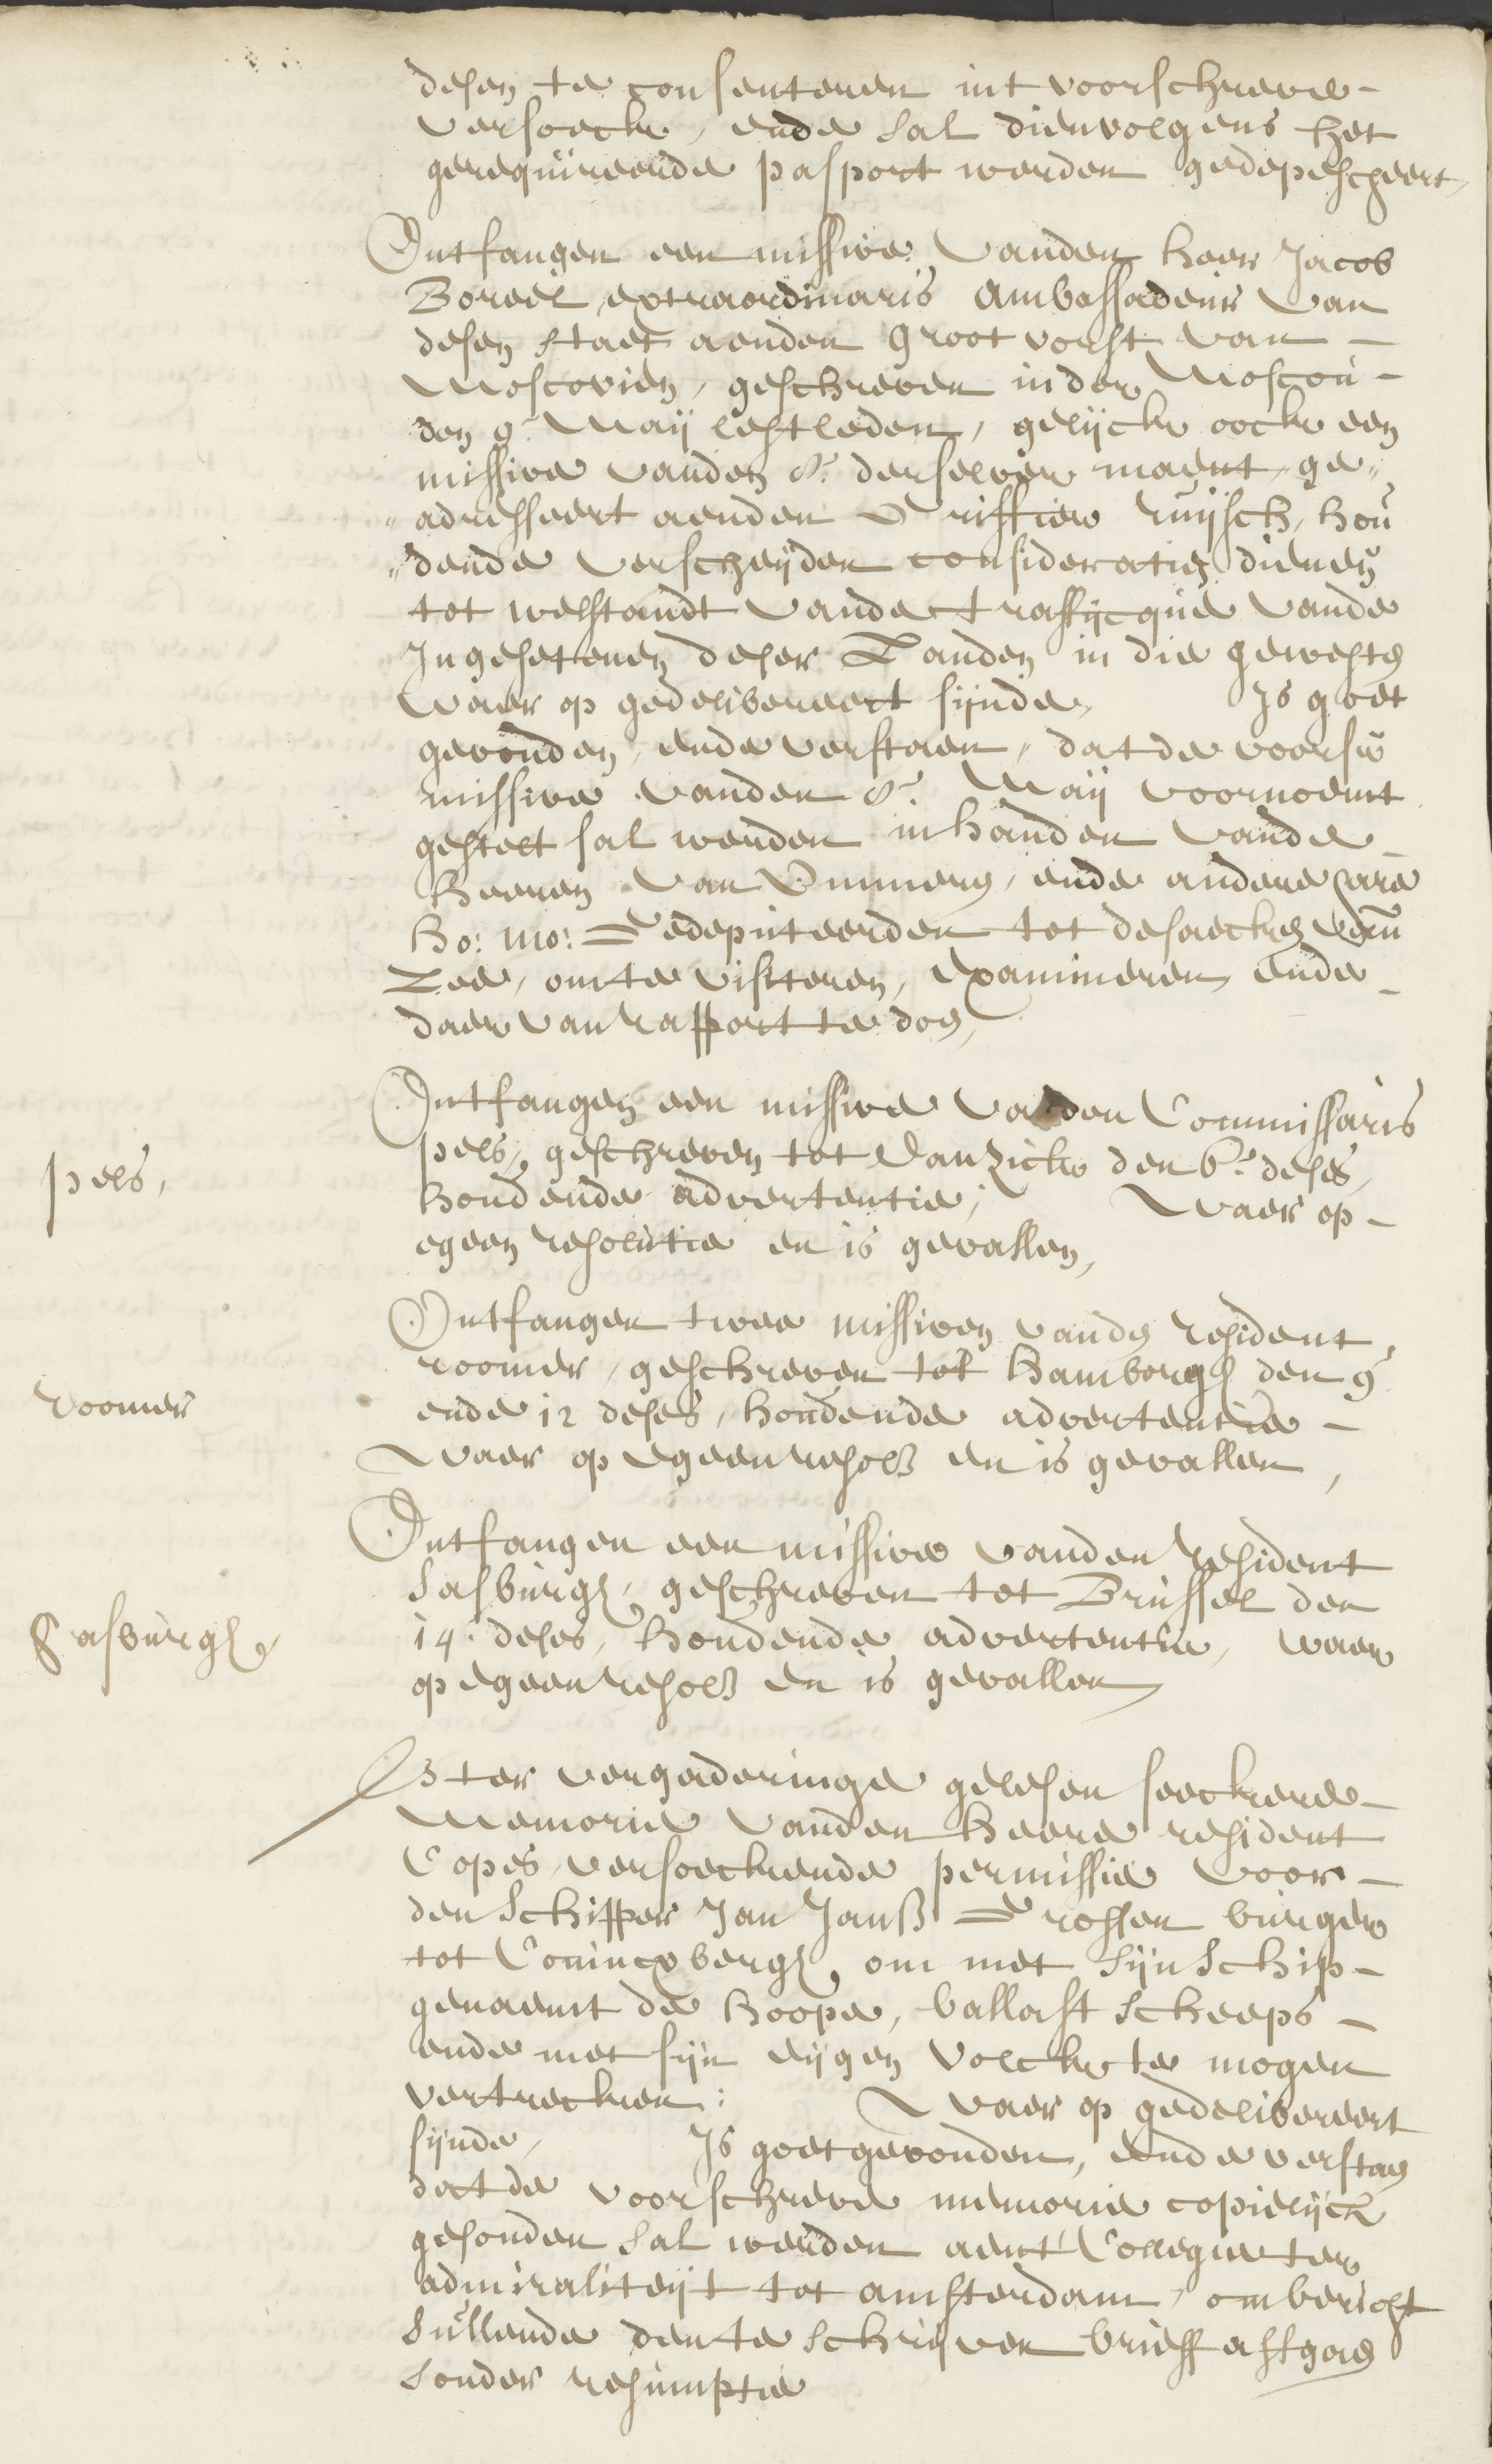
desen te consenteren int voorschreve
versoeck, ende sal dienvolgens het
gerequireerde pasport werden gedepescheert.
Ontfangen een missive vanden heer Jacob
Boreel, extraordinaris Ambassadeur van
desen Staet aenden Groot vorst van
Moscovien, geschreven in der Moscou -
den 9e. Maij lestleden, gelijck oock een
missive vanden 8e. derselver maent, ge,,
„adresseert aenden Griffien Ruijsch, hou
„dende verscheijden consideratien dienen
tot welstandt vande traffijcque vande
Ingesetenen deser Landen in die gewesten
waer op gedelibereert sijnde, Is goet
gevonden, ende verstaen, dat de voors
missive vanden 8e. Maij voornoemt
gestelt sal werden in handen vande
Heeren van Ommeren, ende andere hare
Ho:Mo: Gedeputeerden tot de saecken van
Zee, om te visiteren, examineren, ende
daer van rapport t doen.
Pels,
Ontfangen een missive vanden Commissaris
Pels, geschreven tot Danzick den 6e. deses,
houdende advertentie; Waer op —
egeen resolutie en is gevallen.
Roomer
Ontfangen twee missiven vanden Resident,
roomer, geschreven tot Hamborgh den 9e.
ende 12 deses, houdende advertentie
Waer op egeen resol en is gevallen.
Sasburgh
Ontfangen een missive vanden Resident
Sasburgh, geschreven tot Brussel den
14. deses, houdende advertentie, Waer
op egeen resol en is gevallen
Is ter vergaderinge gelesen seeckere
Memorie vanden heere resident
Copes, versoeckende permissie voor
den schipper Jan Jansz Grossen burger
tot Conincxbergh om met sijn schip
genaemt de Hoope, ballast scheeps
ende met sijn eijgen volck te mogen
vertrecken: Waer op gedelibereert
sijnde, Is goetgevonden, ende verstaen
dat de voorschreve memorie copielijck
gesonden sal werden aent Collegie ter
admiraliteijt tot amsterdam, om bericht
sullende den te schrijven brieff affgaen
sonder resumptie
